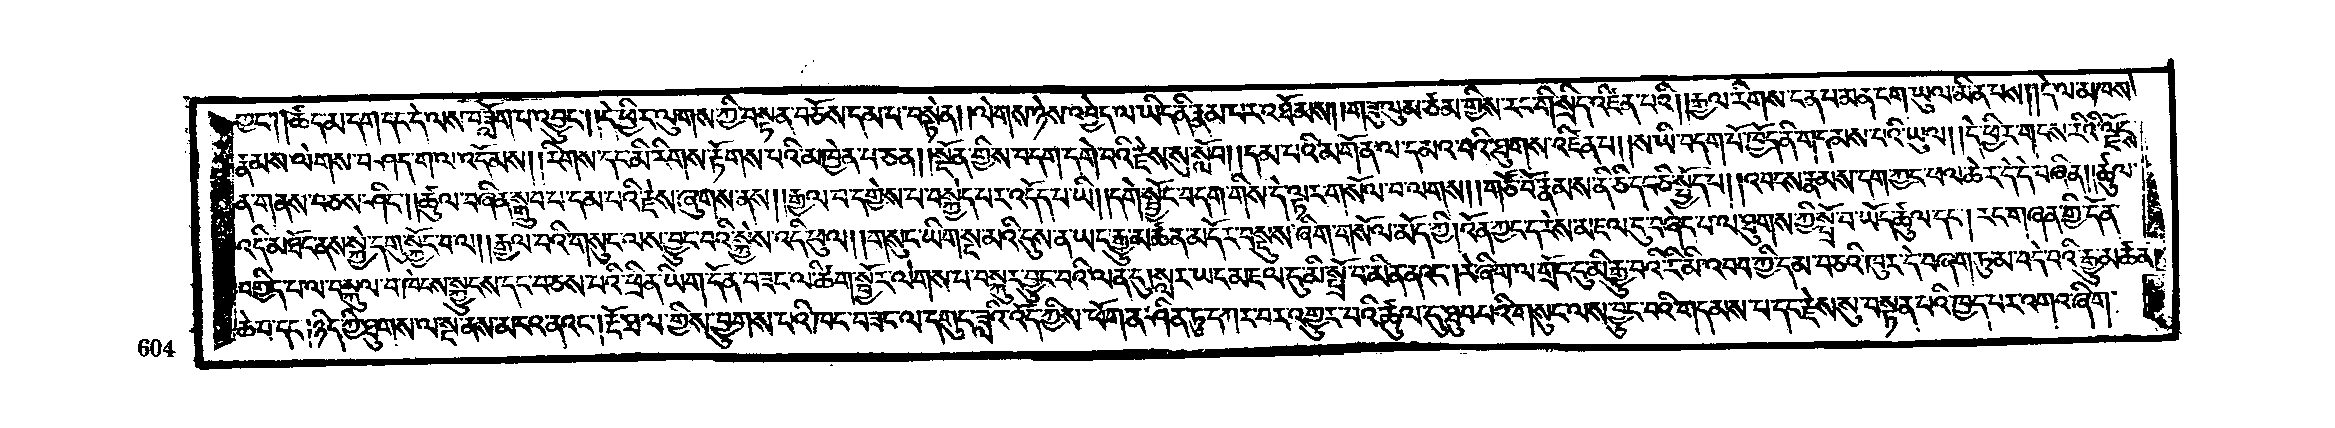ཀྱང༑ ༑ཚད་མ་དག་དང་དེ་ལས་བཟློག་པ་འབྱུང་། །དེ་ཕྱིར་ལུགས་ཀྱི་བསྟན་བཅོས་དམ་པ་བསྟེན། །ལེགས་ཉེས་འབྱེད་ལ་ཡིད་ནི་རྣམ་པར་འཐོམས། །གཟུ་ལུམ་ཙམ་གྱིས་རང་གི་སྲིད་འཛིན་པའི། །རྒྱལ་རིགས་ངན་པ་མན་ངག་ཡུལ་མིན་པས། །དེ་ལ་མཁས་
རྣམས་ལེགས་བཤད་ག་ལ་འདོམས། །རིགས་དང་མི་རིགས་རྟོགས་པའི་མཁྱེན་པ་ཅན། །སྔོན་གྱིས་བདག་དགེ་བའི་རྗེས་སུ་སློབ། །དམ་པའི་མགོན་ལ་དམའ་བའི་ཐུགས་འཛིན་པ། །ས་ཡི་བདག་པོ་ཁྱོད་ནི་གདམས་པའི་ཡུལ། །དེ་ཕྱིར་གངས་རིའི་ལྗོངས་
ན་གནས་བཅས་ཤིང་། །ཚུལ་བཞིན་སྒྲུབ་པ་དམ་པའི་རྗེས་ཞུགས་ནས། །རྒྱལ་བ་དགྱེས་པ་བསྐྱེད་པར་འདོད་པ་ཡི། །དགེ་སྦྱོང་བདག་གིས་དེ་ལྟར་གསོལ་བ་ལགས། །གཙོ་བོ་རྣམས་ནི་ཅི་དང་ཅི་སྤྱོད་པ། །འབངས་རྣམས་དག་ཀྱང་ཕལ་ཆེར་དེ་དེ་བཞིན། །ཚུལ་
འདི་མཐོང་ནས་སྐྱེ་དགུ་སྐྱོང་བ་ལ། །རྒྱལ་བའི་གསུང་ལས་བྱུང་བའི་སྐྱེས་འདི་ཕུལ། །གསུང་ཡིག་སྔ་མའི་དུས་ན་ཡང་རྒྱུ་མཚན་མདོར་བསྡུས་ཞིག་གསོལ་མོད་ཀྱི། འོན་ཀྱང་ད་རེས་མཇལ་དུ་བཞེད་པ་ལ་ཐུགས་ཀྱི་སྤྲོ་བ་ཡོད་ཚུལ་དང་། རང་གཞན་གྱི་དོན་
བགྱིད་པ་ལ་བསྐུལ་བ་ཁེངས་སྐྱུངས་དང་བཅས་པའི་ཕྲིན་ཡིག་དོན་བཟང་ལ་ཚིག་སྦྱོར་ལེགས་པ་བསྐུར་བྱུང་བའི་ལན་དུ། སླར་ཡང་མཇལ་དུ་མི་སྤྲོ་བ་མིན་ནའང་། རེ་ཞིག་ལ་གྲོང་དུ་མི་རྒྱུ་བའི་རི་མི་འབབ་ཀྱི་དམ་བཅའི་ཁུར་དེ་བཞག་ཏུ་མ་བདེ་བའི་རྒྱུ་མཚན་
ཚེ་བ་དང་། ཉིད་ཀྱི་ཐུགས་ལ་སྔ་ནས་མངའ་ནའང་། རྡོ་ཐལ་གྱིས་བྱུགས་པའི་ཁང་བཟང་ལ་དགུང་ཟླའི་འོད་ཀྱིས་ཕོག་ན་ཤིན་ཏུ་དཀར་བར་འགྱུར་བའི་ཚུལ་དུ་ཐུབ་པའི་གསུང་ལས་བྱུང་བའི་གདམས་པ་དང་རྗེས་སུ་བསྟན་པའི་ཁྱད་པར་འགའ་ཞིག་